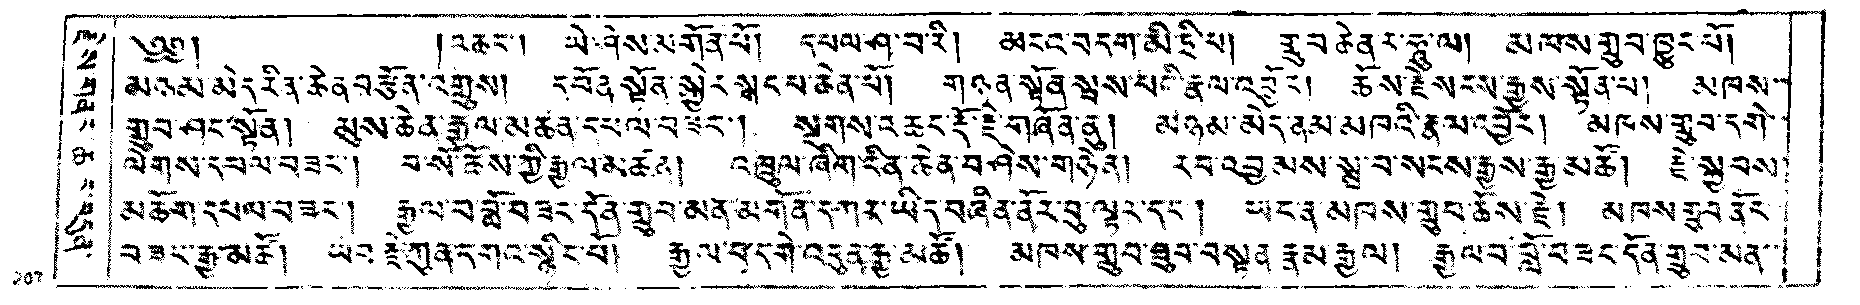༄༅། །འཆང་། ཡེ་ཤེས་མགོན་པོ། དཔལ་ཤ་བ་རི། མངའ་བདག་མི་ཏྲི་པ། གྲུབ་ཆེན་ར་ཧཱུ་ལ། མཁས་གྲུབ་ཁྱུང་པོ།
མཉམ་མེད་རིན་ཆེན་བརྩོན་འགྲུས། དབོན་སྟོན་སྐྱེར་སྒང་པ་ཆེན་པོ། གཉན་སྟོན་སྦས་པའི་རྣལ་འབྱོར། ཆོས་རྗེ་སངས་རྒྱས་སྟོན་པ། མཁས་
གྲུབ་ཤང་སྟོན། མུས་ཆེན་རྒྱལ་མཚན་དཔལ་བཟང་། སྔགས་འཆང་རྡོ་རྗེ་གཞོན་ནུ། མཉམ་མེད་ནམ་མཁའི་རྣལ་འབྱོར། མཁས་གྲུབ་དགེ་
ལེགས་དཔལ་བཟང་། བ་སོ་ཆོས་ཀྱི་རྒྱལ་མཚན། འཁྲུལ་ཞིག་རིན་ཆེན་བཤེས་གཉེན། རབ་འབྱམས་སྨྲ་བ་སངས་རྒྱས་རྒྱ་མཚོ། རྗེ་སྐྱབས་
མཆོག་དཔལ་བཟང་། རྒྱལ་བ་བློ་བཟང་དོན་གྲུབ་མན་མགོན་དཀར་ཡིད་བཞིན་ནོར་བུ་ལྟར་དང་། ཡང་ན་མཁས་གྲུབ་ཆོས་རྗེ། མཁས་གྲུབ་ནོར་
བཟང་རྒྱ་མཚོ། ཡབ་རྗེ་ཀུན་དགའ་སྙིང་པོ། རྒྱལ་བ་དགེ་འདུན་རྒྱ་མཚོ། མཁས་གྲུབ་ཐུབ་བསྟན་རྣམ་རྒྱལ། རྒྱལ་བ་བློ་བཟང་དོན་གྲུབ་མན་